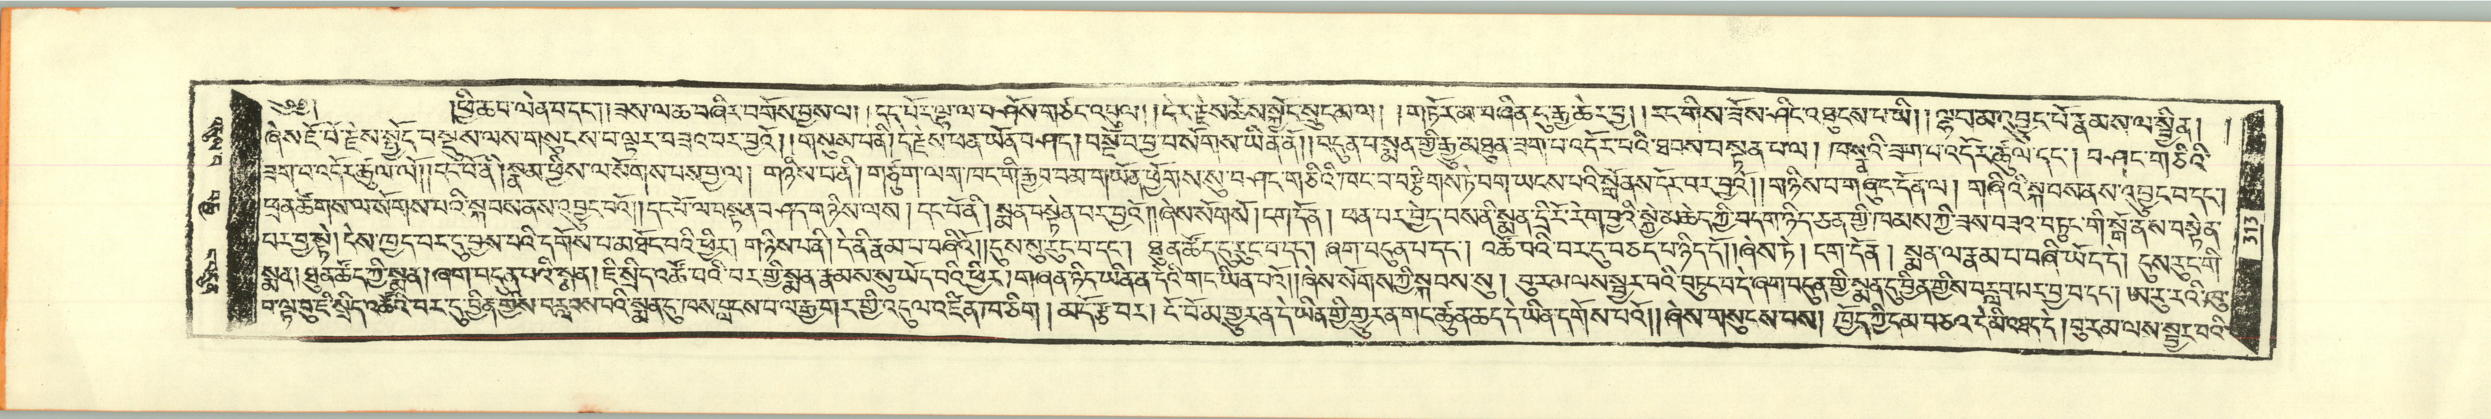༄༅། །ཕྱི་ཆ་བ་ལེན་པ་དང་། །ཟས་ལ་ཆ་བཞིར་བགོས་བྱས་ལ། དད་པོར་ལྷ་ལ་བཤོས་གཙང་འབུལ། །དེར་རྗེས་ཆོས་སྐྱོང་སྲུང་མ་ལ། །གཏོར་མ་བཞིན་དུ་རྒྱ་ཆེར་བྱ། །རང་གིས་ཟོས་ཤིང་འཐུངས་པ་ཡི། །ལྷབ་མ་འབྱུང་པོ་རྣམས་ལ་སྦྱིན། །
ཞེས་ཇོ་བོ་རྗེས་སྤྱོད་བསྡུས་ལས་གསུངས་པ་ལྟར་བཟའ་བར་བྱའོ། །གསུམ་པ་ནི། དེ་རྗེས་ཕན་ཡོན་བཤད། བསྔོ་བ་བྱ་བ་སོགས་ཡིན་ནོ། །བདུན་པ་སྨན་གྱི་རྒྱུ་མཐུན་ཟག་པ་འདོར་པའི་ཐབས་བསྟན་པ་ལ། ཁ་སྣའི་ཟག་པ་འདོར་ཚུལ་དང་། བཤང་གཅིའི་
ཟག་བ་འདོར་ཚུལ་ལོ། །དང་པོ་ནི། སྣམ་ཕྱིས་ལ་སོགས་པས་བྱ་ལ། གཉིས་པ་ནི། གཙུག་ལག་ཁང་གི་རྒྱབ་བམ་གཡོན་ཕྱོགས་སུ་བཤང་གཅིའི་ཁང་བ་བརྩིགས་ཏེ་བག་ཡངས་པའི་སྒོ་ནས་དོར་བར་བྱའོ། །གཉིས་པ་གཞུང་དོན་ལ། གཞིའི་སྐབས་ནས་འབྱུང་བ་དང་།
ཕྲན་ཚོགས་ལ་སོགས་པའི་སྐབས་ནས་འབྱུང་བའོ། །དང་པོ་ལ་བསྟན་བཤད་གཉིས་ལས། དང་པོ་ནི། སྨན་བསྟེན་པར་བྱའོ། །ཞེས་སོགས་སོ། །ངག་དོན། ཕན་པར་བྱེད་བས་ནི་སྨན་དྲི་རོ་རེག་བྱའི་སྐྱེ་མཆེད་ཀྱི་བདག་ཉིད་ཅན་གྱི་ཁམས་ཀྱི་ཟས་བཟའ་བཏུང་གི་སྒོ་ནས་བསྟེན་
པར་བྱ་སྟེ། དེས་ཁྱད་པར་དུ་བྱས་པའི་དགོས་པ་མཐོང་བའི་ཕྱིར། གཉིས་པ་ནི། དེ་ནི་རྣམ་པ་བཞིའོ། །དུས་སུ་རུང་བ་དང་། ཐུན་ཚོད་དུ་རུང་བ་དང་། ཞག་པ་བདུན་པ་དང་འཚོ་བའི་བར་དུ་བཅད་པ་ཉིད་དོ། །ཞེས་ཏེ། ང་དོན། སྨན་ལ་རྣམ་པ་བཞི་ཡོད་དེ། དུས་རུང་གི་
སྨན། ཐུན་ཚོད་ཀྱི་སྨན། ཞག་བདུན་པའི་སྨན། ཇི་སྲིད་འཚོ་བའི་བར་གྱི་སྨན་རྣམས་སུ་ཡོད་པའི་ཕྱིར། གཞན་ཉིད་ཡིན་ན་དེའི་གང་ཡིན་པའོ། །ཞེས་སོགས་ཀྱི་སྐབས་སུ། བུ་རམ་ལས་སྦྱར་བའི་བཏུང་བ་དེ་ཞག་བདུན་གྱི་སྨན་དུ་བྱིན་གྱིས་བརླབ་པར་བྱ་བ་དང་། ཨ་རུ་རའི་ཁུ་
བ་ལྟ་བུ་ཇི་སྲིད་འཚོའི་བར་དུ་བྱིན་གྱིས་བརླབས་བའི་སྨན་དུ་ཁས་བླངས་པ་ལ་རྒྱ་གར་གྱི་འདུལ་འཛིན་ཁ་ཅིག། མདོ་རྩ་བར། ངོ་བོ་མ་གྱུར་ན་དེ་ཡིན་གྱི་གྱུར་ན་གང་ཚུན་ཆད་དེ་ཡིན་དགོས་པའོ། །ཞེས་གསུངས་བས། ཁྱོད་ཀྱི་དམ་བཅའ་དེ་མི་འཐད་དེ། བུ་རམ་ལས་སྦྱར་བའི་